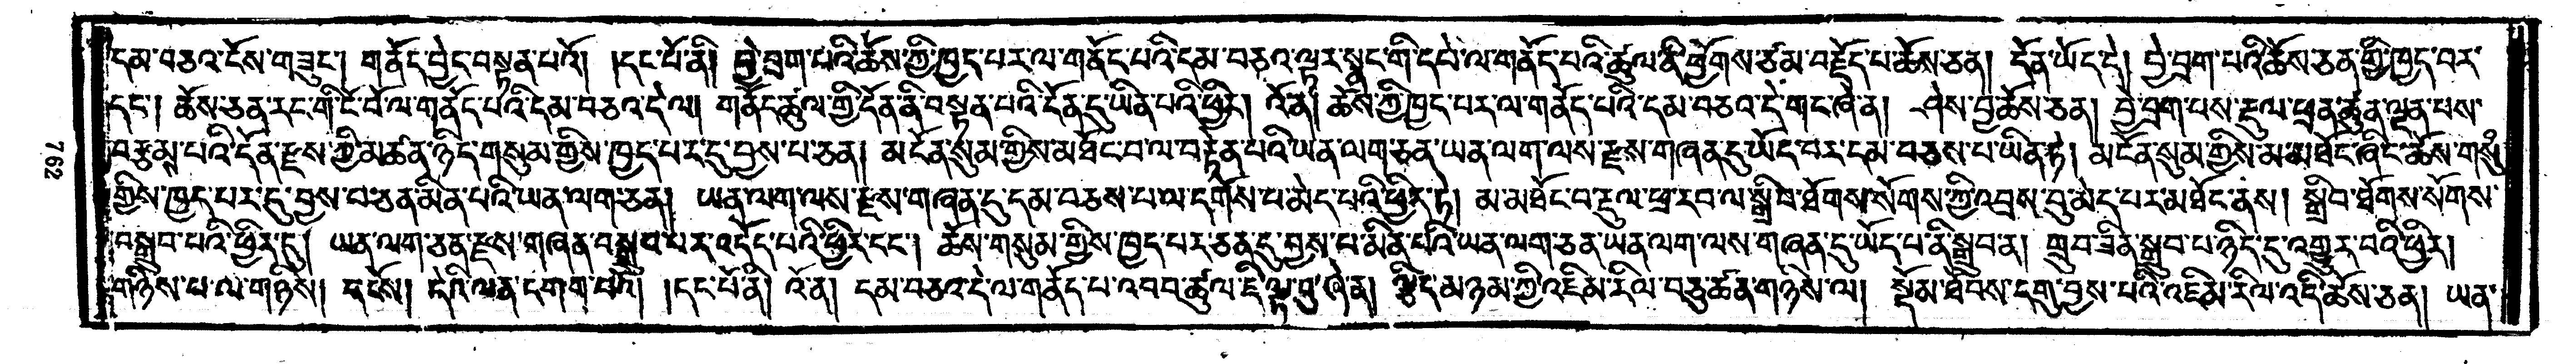དམ་བཅའ་ངོས་གཟུང་། གནོད་བྱེད་བསྟན་པའོ། །དང་པོ་ནི། བྱེ་བྲག་པའི་ཆོས་ཀྱི་ཁྱད་པར་ལ་གནོད་པའི་དམ་བཅའ་ལྟར་སྣང་གི་དཔེ་ལ་གནོད་པའི་ཚུལ་ནི་ཕྱོགས་ཙམ་བརྗོད་པ་ཆོས་ཅན། དོན་ཡོད་དེ། བྱེ་བྲག་པའི་ཆོས་ཅན་གྱི་ཁྱད་པར་
དང་། ཆོས་ཅན་རང་གི་ངོ་བོ་ལ་གནོད་པའི་དམ་བཅའ་དེ་ལ། གནོད་ཚུལ་གྱི་དོན་ནི་བསྟན་པའི་དོན་དུ་ཡིན་པའི་ཕྱིར། འོ་ན། ཆོས་ཀྱི་ཁྱད་པར་ལ་གནོད་པའི་དམ་བཅའ་དེ་གང་ཞེ་ན། ཤེས་བྱ་ཆོས་ཅན། བྱེ་བྲག་པས་རྡུལ་ཕྲན་ཚུན་ལྡན་པས་
བརྩམས་པའི་དོན་རྫས་ཀྱི་མཚན་ཉིད་གསུམ་གྱིས་ཁྱད་པར་དུ་བྱས་པ་ཅན། མངོན་སུམ་གྱིས་མཐོང་བ་ལ་བརྟེན་པའི་ཡན་ལག་ཅན་ཡན་ལག་ལས་རྫས་གཞན་དུ་ཡོད་པར་དམ་བཅས་པ་ཡིན་ཏེ། མངོན་སུམ་གྱིས་མ་མཐོང་ཞིང་ཆོས་གསུཾ་
གྱིས་ཁྱད་པར་དུ་བྱས་པ་ཅན་མིན་པའི་ཡན་ལག་ཅན། ཡན་ལག་ལས་རྫས་གཞན་དུ་དམ་བཅས་པ་ལ་དགོས་པ་མེད་པའི་ཕྱིར་ཏེ། མ་མཐོང་བ་རྡུལ་ཕྲ་རབ་ལ་སྒྲིབ་ཐོགས་སོགས་ཀྱི་འབྲས་བུ་མེད་པར་མཐོང་ནས། སྒྲིབ་ཐོགས་སོགས་
བསྒྲུབ་པའི་ཕྱིར་དུ། ཡན་ལག་ཅན་རྫས་གཞན་བསྒྲུབ་པར་འདོད་པའི་ཕྱིར་དང་། ཆོས་གསུམ་གྱིས་ཁྱད་པར་ཅན་དུ་བྱས་པ་མིན་པའི་ཡན་ལག་ཅན་ཡན་ལག་ལས་གཞན་དུ་ཡོད་པ་ནི་སྒྲུབ་ན། གྲུབ་ཟིན་སྒྲུབ་པ་ཉིད་དུ་འགྱུར་བའི་ཕྱིར།
གཉིས་པ་ལ་གཉིས། དངོས། དེའི་ལན་དགག་པའོ། །དང་པོ་ནི། འོ་ན། དམ་བཅའ་དེ་ལ་གནོད་པ་འབབ་ཚུལ་ཇི་ལྟ་བུ་ཞེ་ན། ལྕིད་མཉམ་ཀྱི་འཇིམ་རིལ་བཅུ་ཚན་གཉིས་ལ། སྡོམ་ཐོབས་དགུ་བྱས་པའི་འཇིམ་རིལ་འདི་ཆོས་ཅན། ཡན་